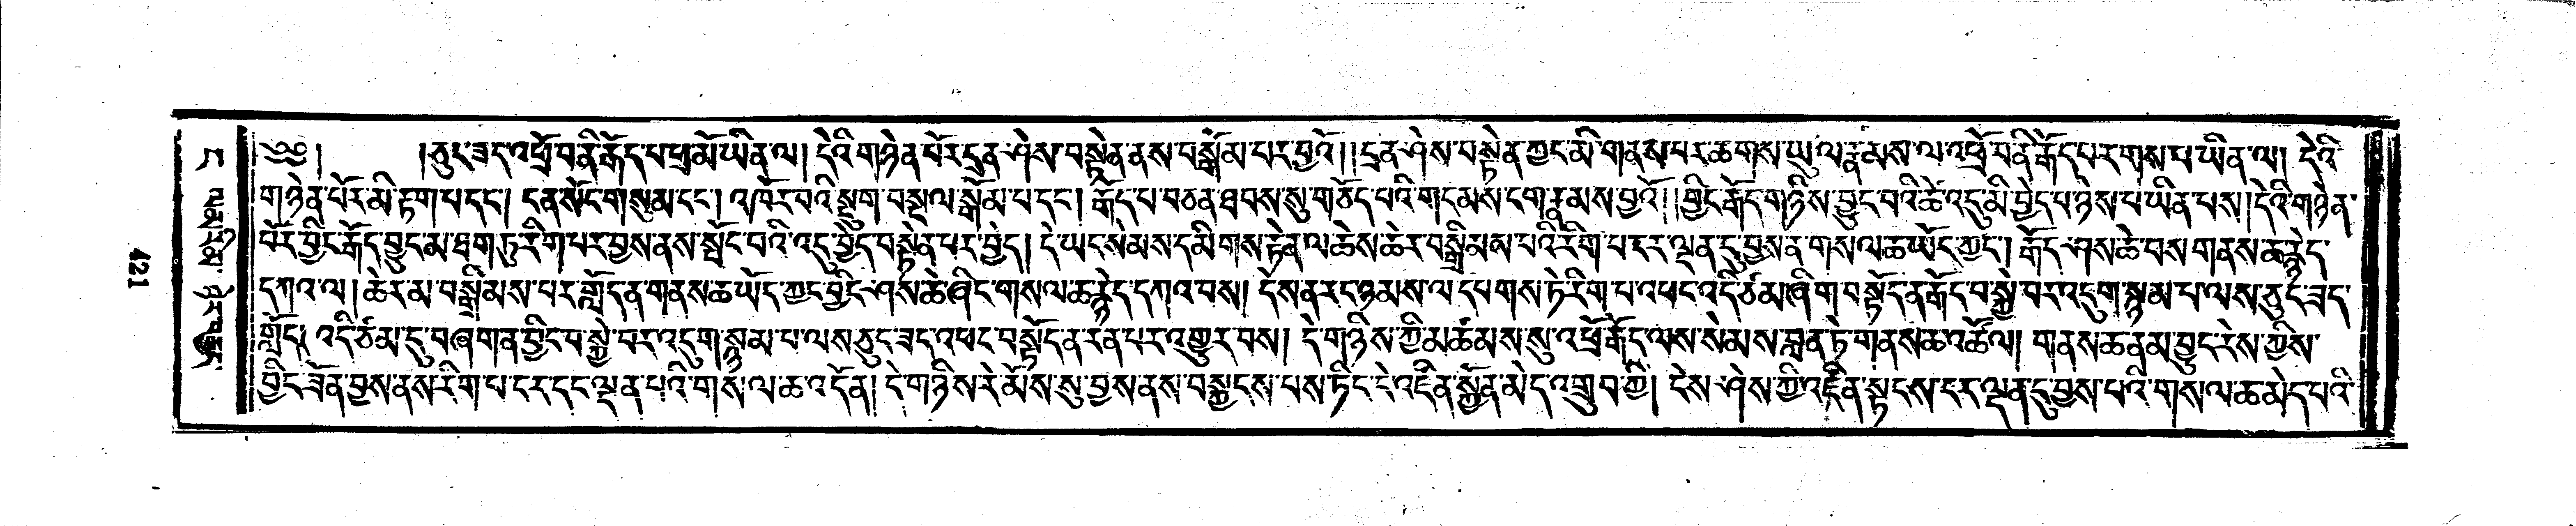༄༅། །ཅུང་ཟད་འཕྲོ་བ་ནི་རྒོད་པ་ཕྲ་མོ་ཡིན་ལ། དེའི་གཉེན་པོར་དྲན་ཤེས་བསྟེན་ནས་བསྒོམ་པར་བྱའོ། །དྲན་ཤེས་བསྟེན་ཀྱང་མི་གནས་པར་ཆགས་ཡུལ་རྣམས་ལ་འཕྲོ་བ་ནི་རྒོད་པ་རགས་པ་ཡིན་ལ། དེའི་
གཉེན་པོར་མི་རྟག་པ་དང་། ངན་སོང་གསུམ་དང་། འཁོར་བའི་སྡུག་བསྔལ་སྒོམ་པ་དང་། རྒོད་པ་བཙན་ཐབས་སུ་གཅོད་པའི་གདམས་ངག་རྣམས་བྱའོ། །བྱིང་རྒོད་གཉིས་བྱུང་བའི་ཚེ་འདུ་མི་བྱེད་པ་ཉེས་པ་ཡིན་པས། དེའི་གཉེན་
པོར་བྱིང་རྒོད་བྱུང་མ་ཐག་ཏུ་རིག་པར་བྱས་ནས་སྤོང་བའི་འདུ་བྱེད་བསྟེན་པར་བྱེད། དེ་ཡང་སེམས་དམིགས་རྟེན་ལ་ཆེས་ཆེར་བསྒྲིམས་པའི་རིག་པ་ངར་ལྡན་དུ་བྱས་ན་གསལ་ཆ་ཡོད་ཀྱང་། རྒོད་ཤས་ཆེ་བས་གནས་ཆ་རྙེད་
དཀའ་ལ། ཆེར་མ་བསྒྲིམས་པར་གློད་ན་གནས་ཆ་ཡོད་ཀྱང་བྱིང་ཤས་ཆེ་ཞིང་གསལ་ཆ་རྙེད་དཀའ་བས། དེས་ན་རང་ཉམས་ལ་དཔགས་ཏེ་རིག་པ་འཕང་འདི་ཙམ་ཞིག་བསྟོད་ན་རྒོད་པ་སྐྱེ་བར་འདུག་སྙམ་པ་ལས་ཅུང་ཟད་
གློད། འདི་ཙམ་དུ་བཞག་ན་བྱིང་བ་སྐྱེ་བར་འདུག་སྙམ་པ་ལས་ཅུང་ཟད་འཕར་བསྟོད་ན་རན་པར་འགྱུར་བས། དེ་གཉིས་ཀྱི་མཚམས་སུ་འཕྲོ་རྒོད་ལས་སེམས་བླན་ཏེ་གནས་ཆ་འཚོལ། གནས་ཆ་ནམ་བྱུང་རེས་ཀྱིས་
བྱིང་ཟོན་བྱས་ནས་རིག་པ་ངར་དང་ལྡན་པའི་གསལ་ཆ་འདོན། དེ་གཉིས་རེ་མོས་སུ་བྱས་ནས་བསྐྱངས་པས་ཏིང་ངེ་འཛིན་སྐྱོན་མེད་འགྲུབ་ཀྱི། ངེས་ཤེས་ཀྱི་འཛིན་སྟངས་ངར་ལྡན་དུ་བྱས་པའི་གསལ་ཆ་མེད་པའི་